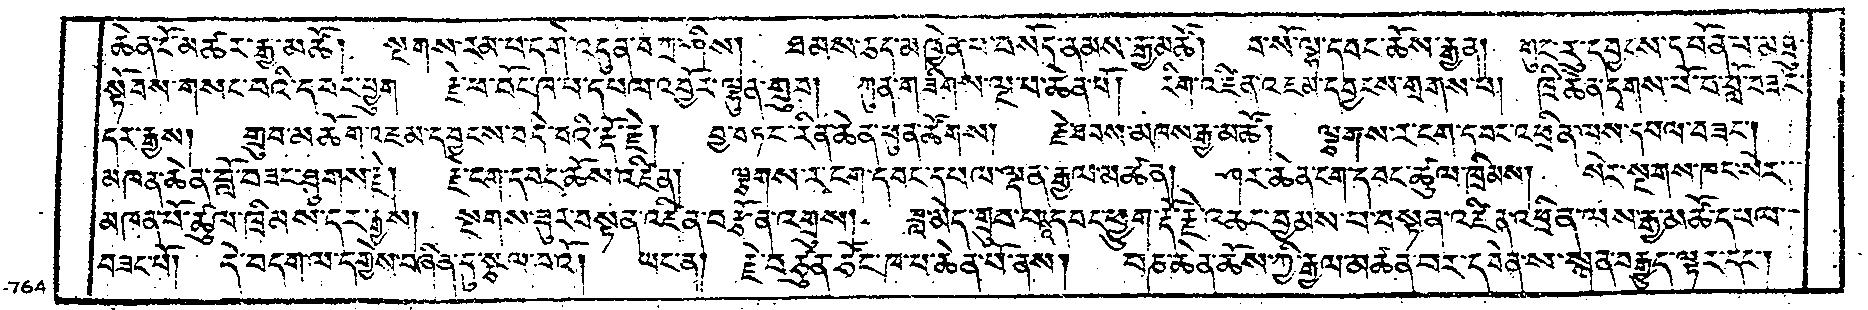ཆེན་ངོ་མཚར་རྒྱ་མཚོ། སྔགས་རམ་པ་དགེ་འདུན་བཀྲ་ཤིས། ཐམས་ཅད་མཁྱེན་པ་བསོད་ནམས་རྒྱ་མཚོ། བ་སོ་ལྷ་དབང་ཆོས་རྒྱན། གུང་རུ་དབྱངས་དཔོན་པ་མཐུ་
སྟོབས་གསང་བའི་དབང་ཕྱུག་རྗེ་ཕ་བོང་ཁ་པ་དཔལ་འབྱོར་ལྷུན་གྲུབ། ཀུན་གཟིགས་ལྔ་པ་ཆེན་པོ། རིག་འཛིན་འཇམ་དབྱངས་གྲགས་པ། ཁྲི་ཆེན་དྭགས་པོ་བ་བློ་བཟང་
དར་རྒྱས། གྲུབ་མཆོག་འཇམ་དབྱངས་བདེ་བའི་རྡོ་རྗེ། བྱ་བཏང་རིན་ཆེན་ཕུན་ཚོགས། རྗེ་ཐབས་མཁས་རྒྱ་མཚོ། ལྕགས་ར་ངག་དབང་འཕྲིན་ལས་དཔལ་བཟང་།
མཁན་ཆེན་བློ་བཟང་ཐུགས་རྗེ། རྗེ་ངག་དབང་ཆོས་འཛིན། ལྕགས་རྭ་ངག་དབང་དཔལ་ལྡན་རྒྱལ་མཚན། ཤར་ཆེན་ངག་དབང་ཚུལ་ཁྲིམས། སེར་སྔགས་ཁང་སེར་
མཁན་པོ་ཚུལ་ཁྲིམས་དར་རྒྱས། སྔགས་ཟུར་བསྟན་འཛིན་བརྩོན་འགྲུས། ཟླ་མེད་གྲུབ་པའི་དབང་ཕྱུག་རྡོ་རྗེ་འཆང་བྱམས་པ་བསྟན་འཛིན་འཕྲིན་ལས་རྒྱ་མཚོ་དཔལ་
བཟང་པོ། དེ་བདག་ལ་དགྱེས་བཞིན་དུ་སྩལ་བ་འོ། ཡང་ན། རྗེ་བཙུན་ཙོང་ཁ་པ་ཆེན་པོ་ནས། པཎ་ཆེན་ཆོས་ཀྱི་རྒྱལ་མཚན་བར་དབེན་ས་སྙན་བརྒྱུད་ལྟར་དང་།